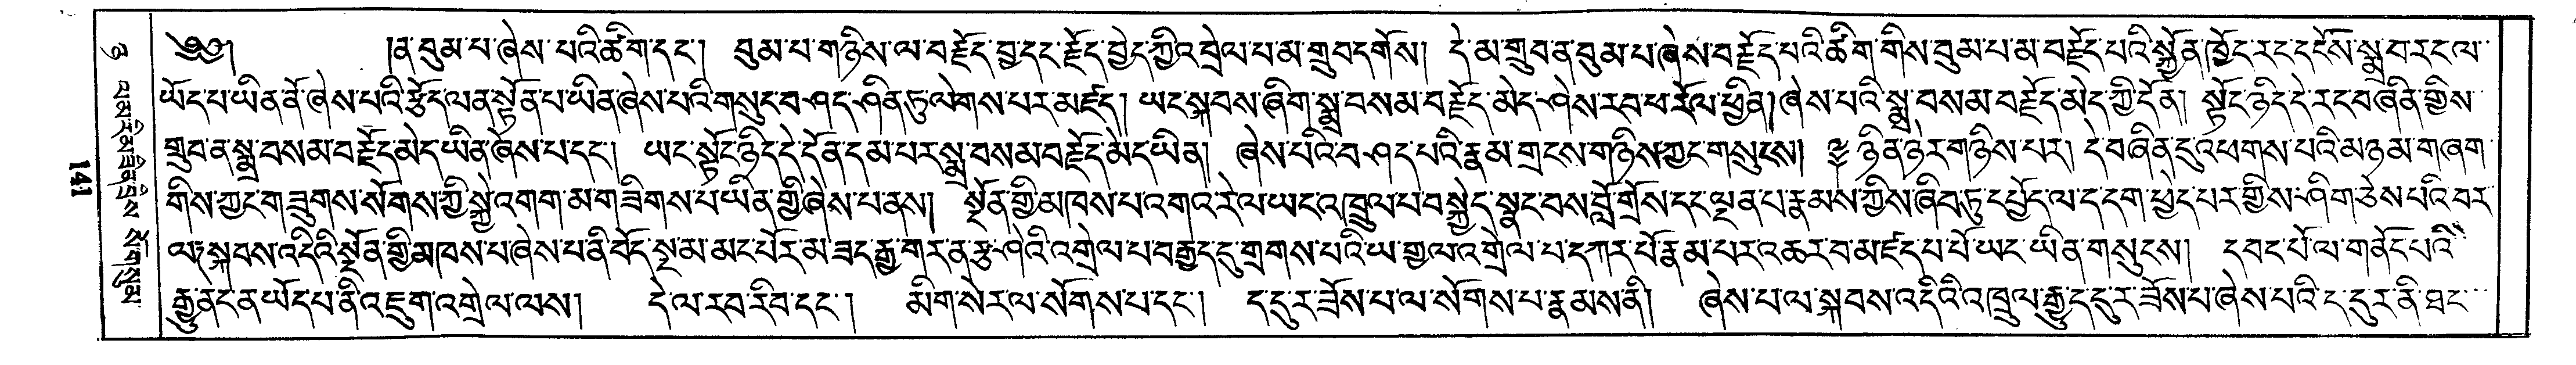༄༅། །ན་བུམ་པ་ཞེས་པའི་ཚིག་དང་། བུམ་པ་གཉིས་ལ་བརྗོད་བྱ་དང་རྗོད་བྱེད་ཀྱི་འགྲེལ་པ་མ་གྲུབ་དགོས། དེ་མ་གྲུབ་ན་བུམ་པ་ཞེས་བརྗོད་པ་ཚིག་གིས་བུམ་པ་མ་བརྗོད་པའི་སྐྱོན་ཁྱོད་རང་དངོས་སྨྲ་པ་རང་ལ་
ཡོད་པ་ཡིན་ནོ་ཞེས་པའི་རྩོད་ལན་སྟོན་པ་ཡིན་ཞེས་པའི་གསུང་བཤད་ཤིན་ཏུ་ལེགས་པར་མཛད། ཡང་སྐབས་ཞིག་སྨྲ་བསམ་བརྗོད་མེད་ཤེས་རབ་ཕ་རོལ་ཕྱིན། ཞེས་པའི་སྨྲ་བསམ་བརྗོད་མེད་ཀྱི་དོན། སྟོང་ཉིད་དེ་རང་བཞིན་གྱིས་
གྲུབ་ན་སྨྲ་བསམ་བརྗོད་མེད་ཡིན་ཞེས་པ་དང་། ཡང་སྟོང་ཉིད་དེ་དོན་དམ་པར་སྨྲ་བསམ་བརྗོད་མེད་ཡིན། ཞེས་པའི་བཤད་པའི་རྣམ་གྲངས་གཉིས་ཀྱང་གསུངས། ༈ ཉིན་ཉེར་གཉིས་པར། དེ་བཞིན་དུ་འཕགས་པའི་མཉམ་གཞག་
གིས་ཀྱང་གཟུགས་སོགས་ཀྱི་སྐྱེ་འགག་མ་གཟིགས་པ་ཡིན་གྱི་ཞེས་པ་ནས། སྔོན་གྱི་མཁས་པ་འགའ་རེ་ལ་ཡང་འཁྲུལ་བ་བསྐྱེད་སྣང་བས་བློ་གྲོས་དང་ལྡན་པ་རྣམས་ཀྱིས་ཞིབ་ཏུ་དཔྱོད་ལ་དེ་དག་ཕྱེད་བར་གྱིས་ཤིག་ཅེས་པའི་བར་
ལ། སྐབས་འདིའི་སྔོན་གྱི་མཁས་པ་ཞེས་པ་ནི་བོད་སྔ་མ་མང་པོར་མ་ཟད་རྒྱ་གར་ན་རྩ་ཤེའི་འགྲེལ་པ་བརྒྱད་དུ་གྲགས་པའི་ཡ་གྱལ་འགྲེལ་པ་དཀར་པོ་རྣམ་པར་འཆར་བ་མཛད་པ་པོ་ཡང་ཡིན་གསུངས། དཔང་པོ་ལ་གནོད་པའི་
རྒྱུན་ང་ན་ཡོད་པ་ནི་འཇུག་འགྲེལ་ལས། དེ་ལ་རབ་རིབ་དང་། མིག་སེར་ལ་སོགས་པ་དང་། ད་དུ་ར་ཟོས་པ་ལ་སོགས་པ་རྣམས་ནི། ཞེས་པ་ལ་སྐབས་འདིའི་འཁྲུལ་རྒྱུ་ད་དུ་ར་ཟོས་པ་ཞེས་པའི་ད་དུ་ར་ནི་ཐང་